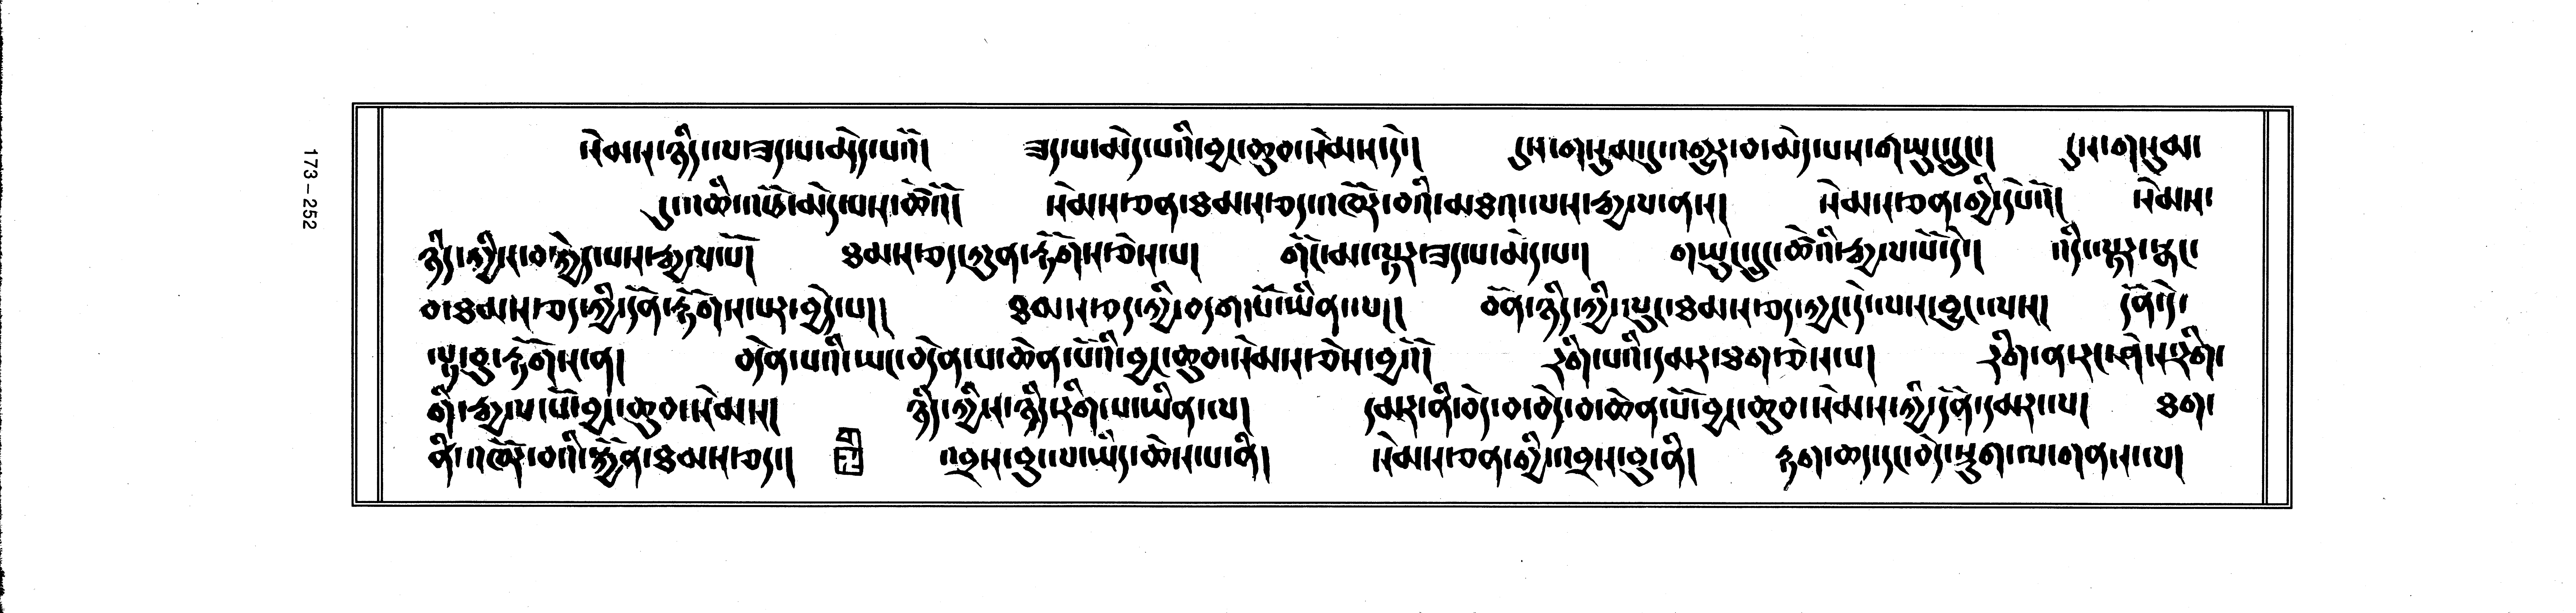སེམས་ཉིད་ལ་ཟད་པ་མེད་པའོ། །ཟད་པ་མེད་པའི་བྱང་ཆུབ་སེམས་དེ། དུས་གསུམ་དུ་འགྱུར་བ་མེད་པས་གཡུང་དྲུང་། དུས་གསུམ་
དུ་འཆི་འཕོ་མེད་པས་ཚེའོ། །སེམས་ཅན་ཐམས་ཅད་འཁོར་བའི་མཐའ་ལས་རྒྱལ་ནས། སེམས་ཅན་གྱི་དཔེའོ། །སེམས་
ཉིད་ཀྱིས་བསྐྱེད་པས་རྒྱལ་པོ། ཐམས་ཅད་ཀུན་རྟོགས་ཅེས་པ། གོང་མ་ལྟར་ཟད་པ་མེད་པ། གཡུང་དྲུང་ཚེ་ཡི་རྒྱལ་པོ་དེ། འདི་ལྟར་སྣང་
བ་ཐམས་ཅད་ཀྱི་དོན་རྟོགས་པར་བྱེད་པ། ཐམས་ཅད་ཀྱི་བདག་པོ་ཡིན་ལ། བོན་ཉིད་ཀྱི་ལུང་ཐམས་ཅད་ཀྱང་དེ་ལས་བྱུང་ལས། དོན་དེ་
ལྟ་བུ་རྟོགས་ན། བདེན་པའི་ཡང་བདེན་པ་ཆེན་པོའི་བྱང་ཆུབ་སེམས་ཅེས་བྱའོ། །རིག་པའི་དམར་ཐག་ཅེས་པ། རིག་ན་རང་ཤེས་རིག་
གི་རྒྱལ་པོ་བྱང་ཆུབ་སེམས། ཉིད་ཀྱིས་ཉིད་རིག་པ་ཡིན་ལ། དམར་ནི་བདེ་བ་ཆེན་པོ་བྱང་ཆུབ་སེམས་ཀྱི་དོན་དམར་ལ། ཐག་
ནི་འཁོར་བའི་སྐྱོན་ཐམས་ཅད། དེ་ལྟར་བདེན་པའི་དོན་དེ་རྟོགས་པའི་དུས་ན། འབྲས་བུ་ལ་ཡིད་ཆེས་པ་ནི། སེམས་ཅན་གྱི་འབྲས་བུ་ནི། རྟག་ཆད་དང་བདེ་སྡུག་ལ་གནས་ལ།